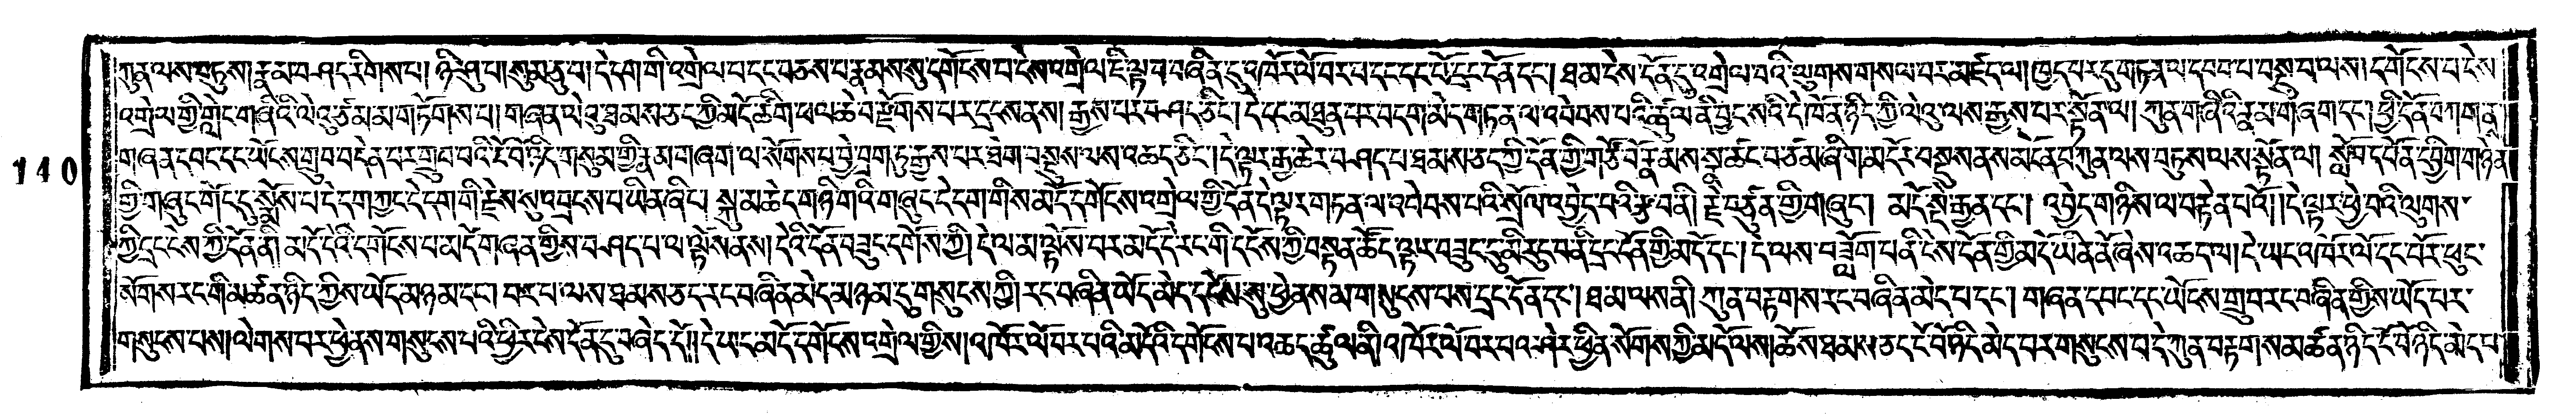ཀུན་ལས་བཏུས། རྣམ་བཤད་རིགས་པ། ཉི་ཤུ་པ། སུམ་ཅུ་བ། དེ་དག་གི་འགྲེལ་བ་དང་བཅས་པ་རྣམས་སུ་དགོངས་བ་ངེས་འགྲེལ་ཇི་ལྟ་བ་བཞིན་དུ་འཁོར་ལོ་བར་པ་དང་དང་བོ་དྲང་དོན་དང་། ཐ་མ་ངེས་དོན་དུ་འགྲེལ་བའི་ལུགས་གསལ་བར་མཛད་ལ། ཁྱད་པར་དུ་གཏན་ལ་དབབ་པ་བསྡུ་བ་ལས། དགོངས་པ་ངེས་
འགྲེལ་གྱི་གླེང་གཞིའི་ལེའུ་ཙམ་མ་གཏོགས་པ། གཞན་ལེའུ་ཐམས་ཅད་ཀྱི་མདོ་ཚིག་ཕལ་ཆེ་བ་རྫོགས་པར་དྲངས་ནས། རྒྱས་པར་བཤད་ཅིང་། དེ་དང་མཐུན་པར་བདག་མེད་གཏན་ལ་འབེབས་པའི་ཚུལ་ནི་བྱང་སའི་དེ་ཁོ་ན་ཉིད་ཀྱི་ལེའུ་ལས་རྒྱས་པར་སྟོན་ལ། ཀུན་གཞིའི་རྣམ་གཞག་དང་། ཕྱི་དོན་བཀག་ནཱ་
གཞན་དབང་དང་ཡོངས་གྲུབ་བདེན་པར་གྲུབ་པའི་ངོ་བོ་ཉིད་གསུམ་གྱི་རྣམ་གཞག་ལ་སོགས་བ་བྱེ་བྲག་ཏུ་རྒྱས་པར་ཐེག་བསྡུས་ལས་འཆད་ཅིང་། དེ་ལྟར་རྒྱ་ཆེར་བཤད་པ་ཐམས་ཅད་ཀྱི་དོན་གྱི་གཙོ་བོ་རྣམས་སྣ་ཚང་བ་ཙམ་ཞིག་མདོར་བསྡུས་ནས་མངོན་བ་ཀུན་ལས་བཏུས་ལས་སྟོན་ལ། སློབ་དཔོན་དབྱིག་གཉེན་
གྱི་གཞུང་གོང་དུ་སྨོས་པ་དེ་དག་ཀྱང་དེ་དག་གི་རྗེས་སུ་འབྲངས་པ་ཡིན་ཞིང་། སྐུ་མཆེད་གཉི་གའི་གཞུང་དེ་དག་གིས་མདོ་དགོངས་འགྲེལ་གྱི་དོན་དེ་ལྟར་གཏན་ལ་འབེབས་པའི་སྲོལ་འབྱེད་པའི་རྩ་བ་ནི། རྗེ་བཙུན་གྱི་གཞུང་། མདོ་སྡེ་རྒྱན་དང་། འབྱེད་གཉིས་ལ་བརྟེན་པའོ། །དེ་ལྟར་ཕྱེ་བའི་ལུགས་
ཀྱི་དྲང་ངེས་ཀྱི་དོན་ནི། མདོ་དེའི་དགོངས་པ་མདོ་གཞན་གྱིས་བཤད་པ་ལ་ལྟོས་ནས། དེའི་དོན་བཟུང་དགོས་ཀྱི། དེ་ལ་མ་ལྟོས་པར་མདོ་དེ་རང་གི་དངོས་ཀྱི་བསྟན་ཚོང་ལྟར་བཟུང་དུ་མི་རུང་བ་ནི་དྲང་དོན་གྱི་མདོ་དང་། དེ་ལས་བཟློག་པ་ནི་ངེས་དོན་གྱི་མདོ་ཡིན་ནོ་ཞེས་འཆད་ལ། དེ་ཡང་འཁོར་ལོ་དང་པོར་ཕུང་
སོགས་རང་གི་མཚན་ཉིད་ཀྱིས་ཡོད་མཉམ་དང་། བར་པ་ལས་ཐམས་ཅད་རང་བཞིན་མེད་མཉམ་དུ་གསུངས་ཀྱི། རང་བཞིན་ཡོད་མེད་དངོས་སུ་ཕྱེ་ནས་མ་གསུངས་པས་དྲང་དོན་དང་། ཐ་མ་ལས་ནི། ཀུན་བརྟགས་རང་བཞིན་མེད་པ་དང་། གཞན་དབང་དང་ཡོངས་གྲུབ་རང་བཞིན་གྱིས་ཡོད་པར་
གསུངས་པས། ལེགས་པར་ཕྱེ་ནས་གསུངས་པའི་ཕྱིར་ངེས་དོན་དུ་བཞེད་དོ། །དེ་ཡང་མདོ་དགོངས་འགྲེལ་གྱིས། འཁོར་ལོ་བར་པའི་མདེའི་དགོངས་པ་འཆད་ཚུལ་ནི། འཁོར་ལོ་བར་པའི་?་ཤེར་ཕྱིན་སོགས་ཀྱི་མདོ་ལས། ཆོས་ཐམས་ཅད་ངོ་བོ་ཉིད་མེད་པར་གསུངས་པ་དེ་ཀུན་བརྟགས་མཚན་ཉིད་ངོ་བོ་ཉིད་མེད་